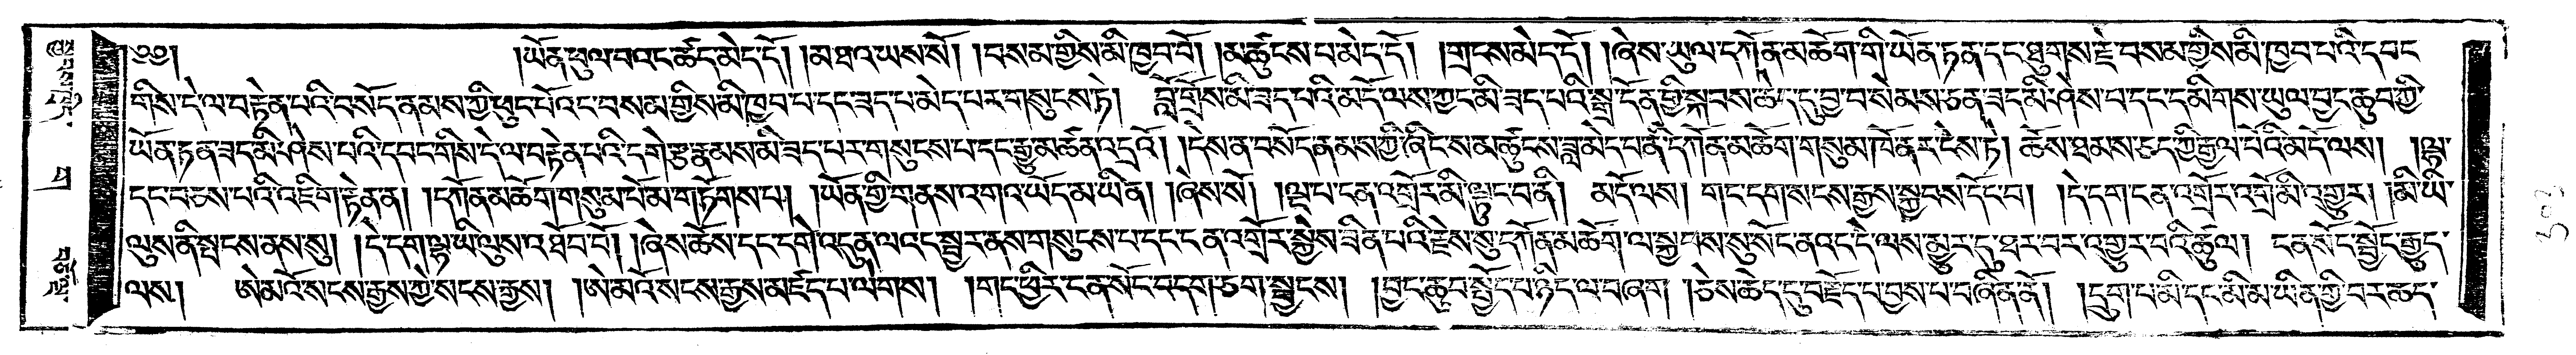༄༅། །ཡོན་ཕུལ་བའང་ཚད་མེད་དོ། །མཐའ་ཡས་སོ། །བསམ་གྱིས་མི་ཁྱབ་བོ། །མཚུངས་པ་མེད་དོ། །གྲངས་མེད་དོ། །ཞེས་ཡུལ་དཀོན་མཆོག་གི་ཡོན་ཏན་དང་ཐུགས་རྗེ་བསམ་གྱིས་མི་ཁྱབ་པའི་དབང་
གིས་དེ་ལ་བརྟེན་པའི་བསོད་ནམས་ཀྱི་ཕུང་པོའང་བསམ་གྱིས་མི་ཁྱབ་པ་དང་ཟད་པ་མེད་པར་གསུངས་ཏེ། བློ་གྲོས་མི་ཟད་པའི་མདོ་ལས་ཀྱང་མི་ཟད་པའི་སྒྲ་དོན་གྱི་སྐབས་ཆེད་དུ་བྱ་བ་སེམས་ཅན་ཟད་མི་ཤེས་པ་དང་དམིགས་ཡུལ་བྱང་ཆུབ་ཀྱི་
ཡོན་ཏན་ཟད་མི་ཤེས་པའི་དབང་གིས་དེ་ལ་བརྟེན་པའི་དགེ་རྩ་རྣམས་མི་ཟད་པར་གསུངས་པ་དང་རྒྱུ་མཚན་འདྲའོ། །དེས་ན་བསོད་ནམས་ཀྱི་ཞིང་ས་མཚུངས་ཟླ་མེད་པ་ནི་དཀོན་མཆོག་གསུམ་ཁོ་ནར་ངེས་ཏེ། ཆོས་ཐམས་ཅད་ཀྱི་རྒྱལ་པོའི་མདོ་ལས། །ལྷ་
དང་བཅས་པའི་འཇིག་རྟེན་ན། །དཀོན་མཆོག་གསུམ་པོ་མ་གཏོགས་པ། །ཡོན་གྱི་གནས་འགའ་ཡོད་མ་ཡིན། །ཞེས་སོ། །ལྔ་པ་ངན་འགྲོར་མི་ལྟུང་བ་ནི། མདོ་ལས། གང་དག་སངས་རྒྱས་སྐྱབས་དོང་བ། །དེ་དག་ངན་འགྲོར་འགྲོ་མི་འགྱུར། །མི་ཡི་
ལུས་ནི་སྤངས་ནས་སུ། །དེ་དག་ལྷ་ཡི་ལུས་འཐོབ་བོ། །ཞེས་ཆོས་དང་དགེ་འདུན་ལའང་སྦྱང་ནས་གསུངས་པ་དང་ངན་འགྲོར་སྐྱེས་ཟིན་པའི་རྗེས་སུ་དཀོན་མཆོག་ལ་སྐྱབས་སུ་སོང་ནའང་དེ་ལས་མྱུར་དུ་ཐར་བར་འགྱུར་བའི་ཚུལ། ངན་སོང་སྦྱོང་རྒྱུད་
ལས། ཨེ་མའོ་སངས་རྒྱས་ཀྱེ་སངས་རྒྱས། །ཨེ་མའོ་སངས་རྒྱས་མཛད་པ་ལེགས། །གང་ཕྱིར་ངན་སོང་བདག་ཅག་སྦྱངས། །བྱང་ཆུབ་སྤྱོད་པ་ཉིད་ལ་བཞག །ཅེས་ཆེད་དུ་བརྗོད་པ་བྱས་པ་བཞིན་ནོ། །དྲུག་པ་མི་དང་མི་མ་ཡིན་གྱི་བར་ཆད་